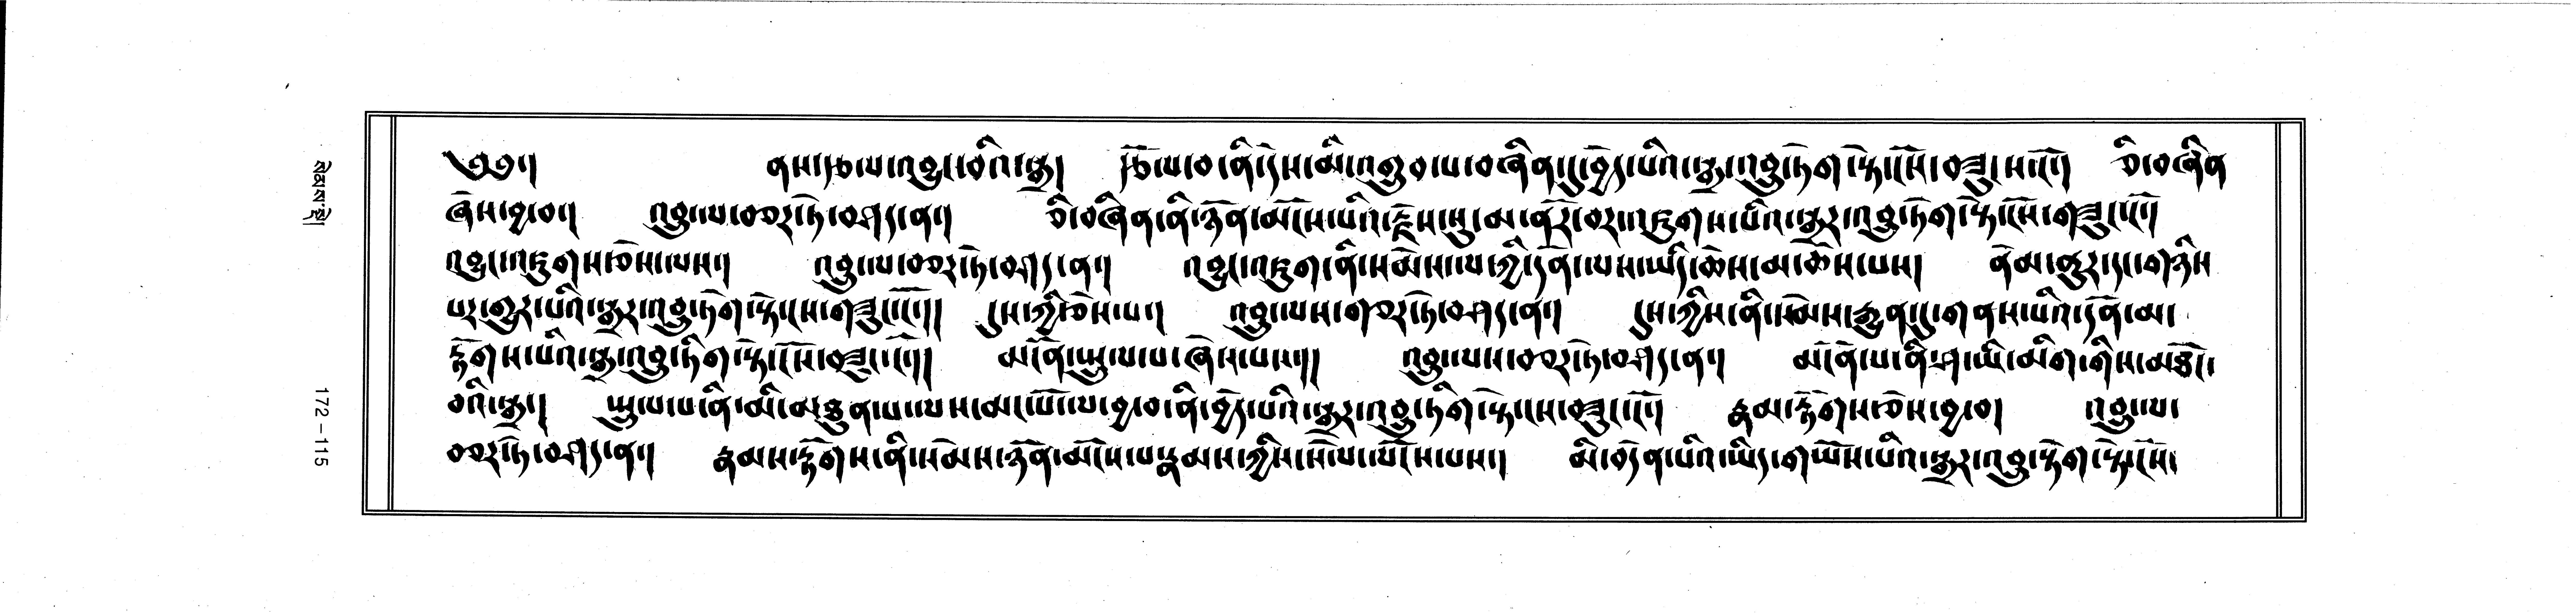ནས་རྩལ་འབྱུང་བའི་སྒྲ། རྩོལ་བ་ནི་དེས་མི་འགྲུབ་པ་བཞིན་དུ་བྱེད་པའི་སྒྲ་འབྲུ་ཏིག་སྟེ་ངོས་གཟུངས་ངོ་། ཅི་བཞིན་
ཞེས་བྱ་བ། འབྲུ་ལ་བཅར་ཏེ་བཤད་ན། ཅི་བཞིན་ནི་ཉོན་མོངས་པའི་རྗེས་སུ་མ་ནོར་བར་འཇུགས་པའི་སྒྲར་འབྲུ་ཏིག་སྟེ་ངོས་གཟུངས་ངོ་། 
འབྱུང་འཇུགས་ཅེས་ལས། འབྲུ་ལ་བཅར་ཏེ་བཤད་ན། འབྱུང་འཇུག་ནི་སེམས་ཀྱི་དོན་ལས་ཡིད་ཆེས་མ་ཆས་པས། ནེམ་ནུར་དང་གཉིས་
པར་གྱུར་པའི་སྒྲར་འབྲུ་ཏིག་སྟེ་ངོས་གཟུངས་ངོ་། དུས་ཀྱི་ཅེས་པ། འབྲུ་ལས་གཅར་ཏེ་བཤད་ན། དུས་ཀྱིས་ནི་སེམས་རྒྱུན་དུ་གནས་པའི་དོན་མ་
རྟོགས་པའི་སྒྲ་འབྲུ་ཏིག་སྟེ་ངོས་གཟུངས་ངོ་། མངོན་སྤྲུལ་པ་ཞེས་པས། འབྲུ་ལས་བཅར་ཏེ་བཤད་ན། མངོན་པ་ནི་ཤ་ཡི་མིག་གིས་མཐོང་
བའི་སྒྲ། སྤྲུལ་པ་ནི་མི་མཐུན་པ་ལས་མང་པོ་ལ་བྱ་བ་ནི་བྱེད་པའི་སྒྲར་འབྲུ་ཏིག་སྟེ་ངོས་གཟུངས་ངོ་། རྣམ་རྟོགས་ཅེས་བྱ་བ། འབྲུ་ལ་
བཅར་ཏེ་བཤད་ན། རྣམས་རྟོགས་ནི་སེམས་ཉོན་མོངས་པ་རྣམས་ཀྱིས་སེལ་ལོངས་པས། མི་བདེན་པའི་ཡིད་གཡོས་པའི་སྒྲར་འབྲུ་སྟེག་སྟེ་ངོས་